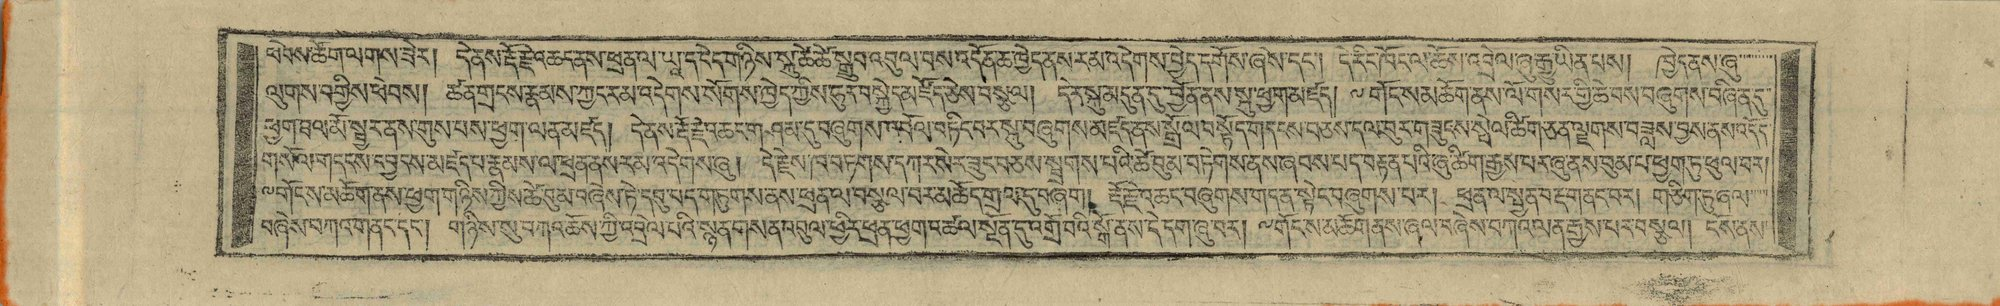ཕེབས་ཆོག་ལགས་ཟེར། དེ་ནས་རྡོ་རྗེ་འཆང་ནས་ཕྲན་ལ་ཡཱ་ད་ངེད་གཉིས་སྐུ་ཚེ་ཚེ་སྒྲུབ་འབུལ་བས་འདོན་ཆ་ཁྱེད་ནས་རམ་འདེགས་བྱེད་དགོས་ཞེས་དང་། དེ་རིང་ཁོང་ལ་ཆོས་འབྲེལ་ཞུ་རྒྱུ་ཡིན་པས། ཁྱེད་ནས་ཞུ་
ལུགས་བགྱིས་ཕེབས། ཚན་གྲངས་རྣམས་ཀྱང་རམ་འདེགས་སོགས་ཁྱེད་ཀྱིས་ཧུར་བསྐྱེད་མཛོད་ཅེས་བསྩལ། དེར་སྐུ་མདུན་དུ་བྱོན་ནས་སྐུ་ཕྱག་མཛད། ༧གོང་ས་མཆོག་ནས་ལོ་གསར་གྱི་ཆེ་བས་བཞུགས་བཞིན་དུ་
ཕྱག་ཐལ་མོ་སྦྱར་ནས་གུས་པས་ཕྱག་ལན་མཛད། དེ་ནས་རྡོ་རྗེ་འཆང་གཤམ་དུ་བཞུགས་འབོལ་བཏིང་བར་སྐུ་བཞུགས་མཛད་ནས་སྒྲོལ་བསྟོད་གདངས་བཅས་དལ་བུར་གཟུངས་སྤེལ་ཚིག་ཅན་ལྗགས་བཟླས་བྱས་ནས་འདོད་
གསོལ་གདངས་དབྱངས་མཛད་པ་རྣམས་ལ་ཕྲན་ནས་རམ་འདེགས་ཞུ། དེ་རྗེས་ཁ་བཏགས་དཀར་སེར་ཟུང་བཅས་སྦྲགས་པའི་ཚེ་བུམ་བཏེགས་ནས་ཞབས་པད་བརྟན་པའི་ཞུ་ཚིག་རྒྱས་པར་ཞུ་ནས་བུམ་པ་ཕྱག་ཏུ་ཕུལ་བར།
༧གོང་ས་མཆོག་ནས་ཕྱག་གཉིས་ཀྱིས་ཚེ་བུམ་བཞེས་ཏེ་དབུ་པད་གཏུགས་ནས་ཕྲན་ལ་བསྩལ་བར་མཆོད་གྲལ་དུ་བཞག །རྡོ་རྗེ་འཆང་བཞུགས་གདན་སྟེང་བཞུགས་པར། ཕྲན་ལ་སྤྱན་བརྡ་གནང་བར། གཅིག་ཏུ་ཞལ་
བཞེས་བཀའ་གནང་དང་། གཉིས་སུ་བཀའ་ཆོས་ཀྱི་འབྲེལ་པའི་སྙན་གསན་འབུལ་ཕྱིར་ཕྲན་ཕྱག་འཚལ་སྔོན་དུ་འགྲོ་བའི་སྒོ་ནས་དེ་དག་ཞུ་བར། ༧གོང་ས་མཆོག་ནས་ཞལ་བཞེས་བཀའ་ལན་རྒྱས་པར་བསྩལ། ངོས་ནས་